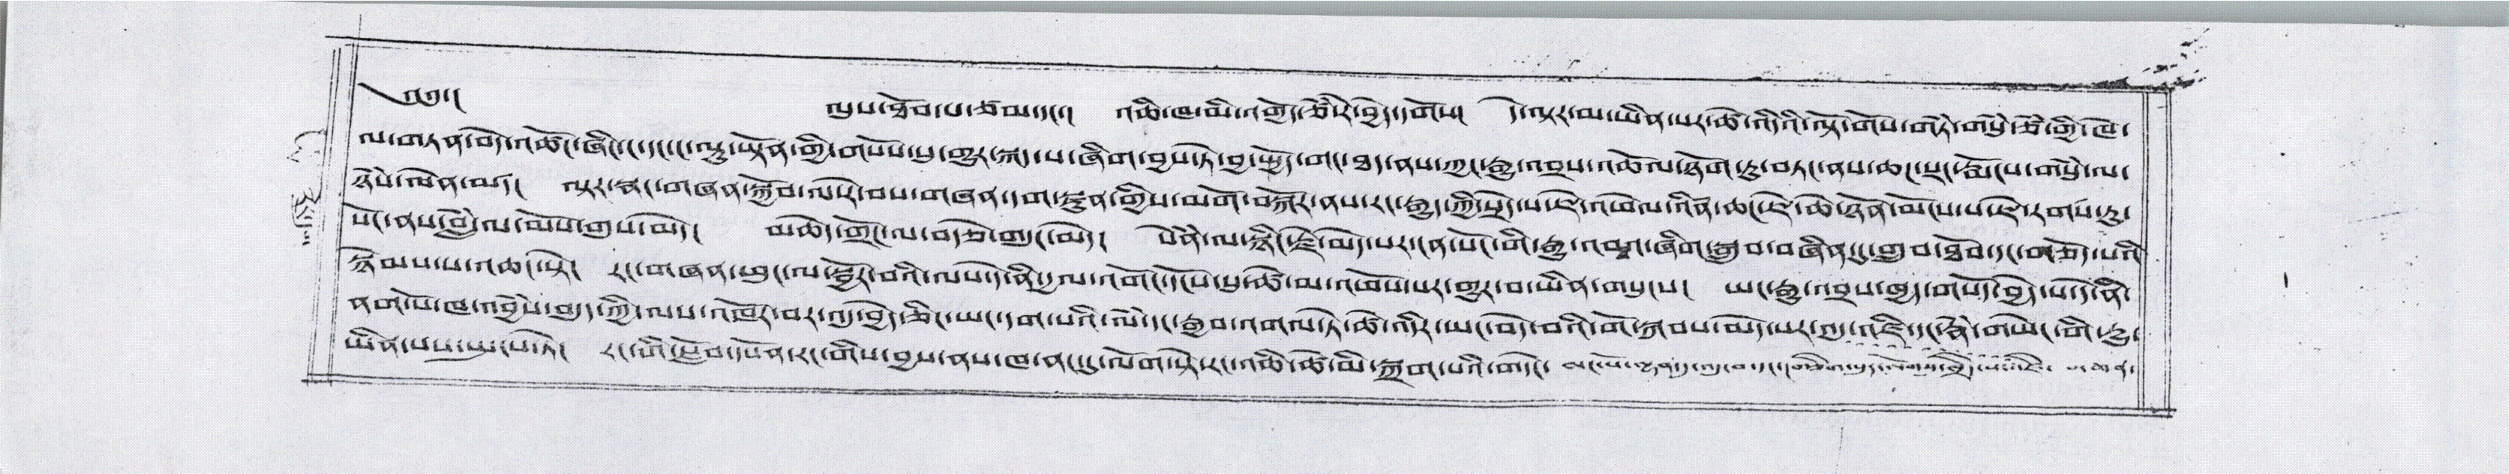ལུས་ཐོབ་པ་ཙམ་དང་། འཆི་ཁ་མི་འགྱོད་ཙམ་རེ་བྱེད་དགོས། དེ་ལྟར་མ་ཡིན་པར་ཚེ་འདིའི་ལྟོ་གོས་གཏམ་གསུམ་ཙམ་གྱི་ཁེ་
ལ་གཏན་བདེ་འཚོང་ཞིང་ང་དང་ང་ལྟ་བུ་ཡོན་ཏན་གྱི་གསོས་སུ་གྱུར་སྐད་པ་ཞིག་བྱས་ཏེ་བྱ་སྤྱོད་གང་ཐད་ནས་ཀྱང་རྒྱུ་འབྲས་འཆོལ་ཉོག་ཏུ་བཏང་ནས་ཆགས་སྡང་རྨོངས་གསུམ་ལ་
ཉམས་ལེན་མཛད། ལྟར་སྣང་གཞན་སྐྱོབ་ལ་རེ་བས་གཞན་དག་རྫུན་གྱིས་མགོ་བསྐོར་ནས་གཞན་དག་མགོ་བསྐོར་ནས་རང་རྒྱུད་ཀྱི་སྲེད་པ་ཇེ་ཆེ་འཛིན་ཆགས་ཇེ་ཆེ་ཉོན་མོངས་པ་ཇེ་རགས་སུ་
སོང་ནས་བླ་མ་ལ་མོས་གུས་མེད། མཆེད་གྲོགས་ལ་བརྩེ་གདུང་མེད། སེམས་ཅན་ལ་སྙིང་རྗེ་མེད་པར་ངན་སོང་གི་རྒྱུ་འབའ་ཞིག་བསྒྲུབ་བཞིན་དུ་གྲུབ་ཐོབ་དང་གཅོད་པའི་
སྙེམས་པ་འཆང་སྟེ། རང་གཞན་ཕུང་ལ་སྦྱོར་བའི་ལས་དེ་ནི་རྒྱལ་འགོང་དངོས་སུ་ཚེ་མ་འཕོས་པར་གྱུར་པ་ཡིན་གསུངས། ཡང་རྒྱུ་འབྲས་ལ་ཁྱད་གསོད་བྱེད་པ་དེ་ནི་
ནག་པོ་ཁ་འབྱམས་བདུད་ཀྱི་ལས་འཁོར་བར་འདུ་བྱེད་ཅིང་ཡང་དག་པའི་ལམ་དང་རྒྱབ་འགལ་ཏེ་ཚེ་འདིར་ཡང་བདེ་བའི་གོ་སྐབས་མེད་པར་འདུ་འཛི་༼མང་པོ་ལྷན་དུ་འདུ་བ་དང་། གཅིག་པུར་ལོགས་སུ་འཁྲི་བས་འཛི། མཆན༽དང་རྣམ་གཡེང་གི་རྒྱུ་
ཡིན་པས་སྤངས་ཏེ། རང་གི་སློབ་དཔོན་རང་གིས་བྱས་ནས་ཁ་ནང་དུ་ལོགས་ཏེ་རང་འཆི་ཚེ་མི་སྐྲག་པའི་གདེང་